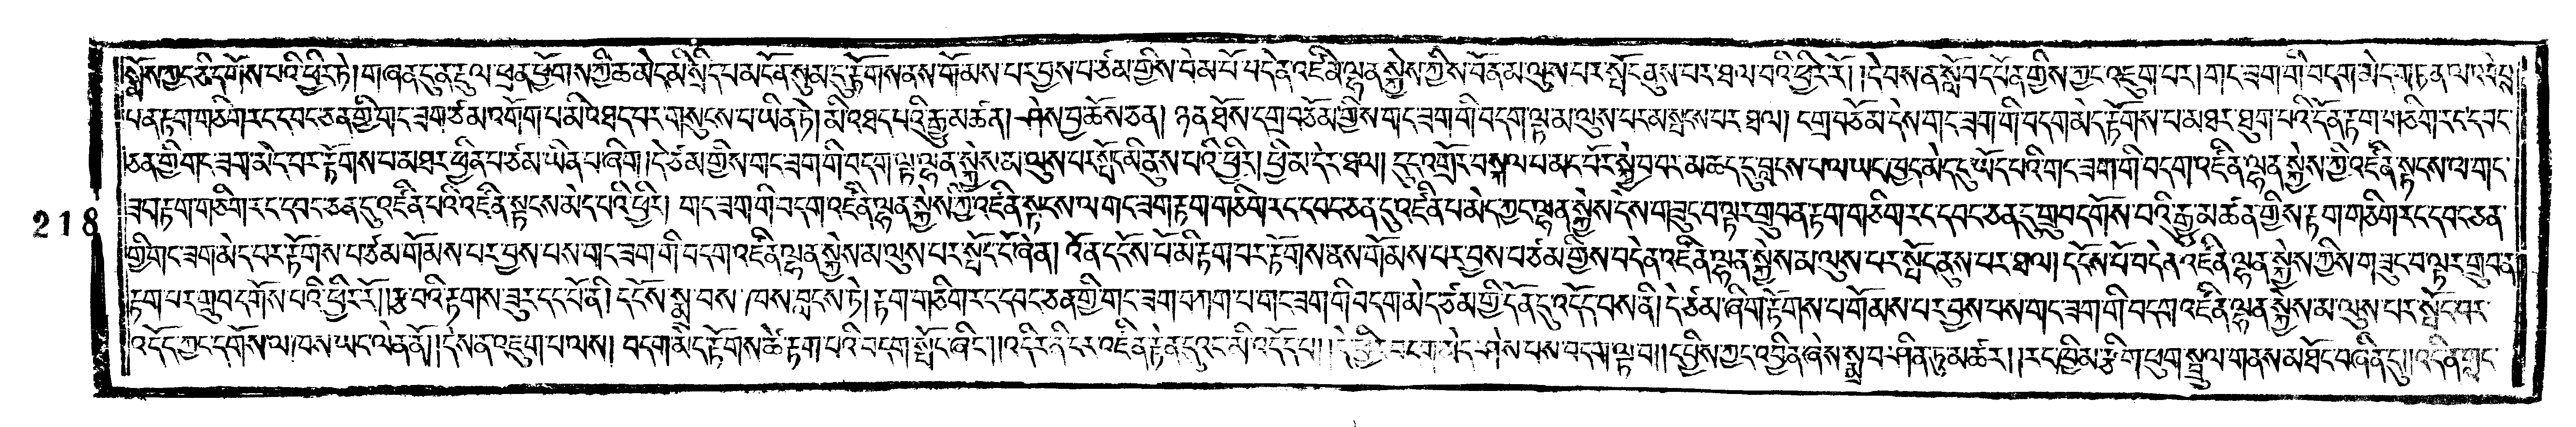སྨོས་ཀྱང་ཅི་དགོས་པའི་ཕྱིར་ཏེ། གཞན་དུ་ན་རྡུལ་ཕྲན་ཕྱོགས་ཀྱི་ཆ་མེད་མི་སྲིད་པ་མངོན་སུམ་དུ་རྟོགས་ནས་གོ་མས་པར་བྱས་པ་ཙམ་གྱིས་བེམ་པོ་བདེན་འཛིན་ལྷན་སྐྱེས་ཀྱི་ས་བོན་མ་ལུས་པར་སྤོང་ནུས་པར་ཐལ་བའི་ཕྱིར་རོ། །དེ་བས་ན་སློབ་དཔོན་གྱིས་ཀྱང་འཇུག་པར། གང་ཟག་གི་བདག་མེད་གཏན་ལ་འབེབས་
པ་ན་རྟག་གཅིག་རང་དབང་ཅན་གྱི་གང་ཟག་ཙམ་འགོག་པ་མི་འཐད་པར་གསུངས་པ་ཡིན་ཏེ། མི་འཐད་པའི་རྒྱུ་མཚན། ཤེས་བྱ་ཆོས་ཅན། ཉན་ཐོས་དགྲ་བཅོམ་གྱིས་གང་ཟག་གི་བདག་ལྟ་མ་ལུས་པར་མ་སྤངས་པར་ཐལ། དགྲ་བཅོམ་དེས་གང་ཟག་གི་བདག་མེད་རྟོགས་པ་མཐར་ཐུག་པའི་དོན་རྟག་གཅིག་རང་དབང་
ཅན་གྱི་གང་ཟག་མེད་པར་རྟོགས་པ་མཐར་ཕྱིན་པ་ཙམ་ཡིན་པ་ཞིག། དེ་ཙམ་གྱིས་གང་ཟག་གི་བདག་ལྟ་ལྷན་སྐྱེས་མ་ལུས་པར་སྤོང་མི་ནུས་པའི་ཕྱིར། ཕྱི་མ་དེར་ཐལ། དུད་འགྲོར་བསྐལ་པ་མང་པོར་སྐྱེ་བ་བར་མཆད་དུ་བླངས་པ་ལ་ཡང་ཁྱད་མེད་དུ་ཡོད་པའི་གང་ཟག་གི་བདག་འཛིན་ལྷན་སྐྱེས་ཀྱི་འཛིན་སྟངས་ལ་གང་
ཟག་རྟག་གཅིག་རང་དབང་ཅན་དུ་འཛིན་པའི་འཛིན་སྟངས་མེད་པའི་ཕྱིར། གང་ཟག་གི་བདག་འཛིན་ལྷན་སྐྱེས་ཀྱི་འཛིན་སྟངས་ལ་གང་ཟག་རྟག་གཅིག་རང་དབང་ཅན་དུ་འཛིན་པ་མེད་ཀྱང་ལྷན་སྐྱེས་དེས་གཟུང་བ་ལྟར་གྲུབ་ན་རྟག་གཅིག་རང་དབང་ཅན་དུ་གྲུབ་དགོས་བའི་རྒྱུ་མཚན་གྱིས་རྟག་གཅིག་རང་དབང་ཅན་
གྱི་གང་ཟག་མེད་པར་རྟོགས་པ་ཙམ་གོམས་པར་བྱས་པས་གང་ཟག་གི་བདག་འཛིན་ལྷན་སྐྱེས་མ་ལུས་པར་སྤོང་ངོ་ཞེ་ན། འོ་ན་དངོས་པོ་མི་རྟག་པར་རྟོགས་ནས་གོམས་པར་བྱས་པ་ཙམ་གྱིས་བདེན་འཛིན་ལྷན་སྐྱེས་མ་ལུས་པར་སྤོང་ནུས་པར་ཐལ། དངོས་པོ་བདེན་འཛིན་ལྷན་སྐྱེས་ཀྱིས་གཟུང་བ་ལྟར་གྲུབ་ན་
རྟག་པར་གྲུབ་དགོས་པའི་ཕྱིར་རོ། །རྩ་བའི་རྟགས་ཟུར་དང་པོ་ནི། དངོས་སྨྲ་བས་ཁས་བླངས་ཏེ། རྟག་གཅིག་རང་དབང་ཅན་གྱི་གང་ཟག་བཀག་པ་གང་ཟག་གི་བདག་མེད་ཙམ་གྱི་དོན་དུ་འདོད་བས་ནི། དེ་ཙམ་ཞིག་རྟོགས་པ་གོམས་པར་བྱས་པས་གང་ཟག་གི་བདག་འཛིན་ལྷན་སྐྱེས་མ་ལུས་པར་སྤོང་བར་
འདོད་ཀྱང་དགོས་ལ་ཁས་ཡང་ལེན་ནོ། །དེས་ན་འཇུག་པ་ལས། བདག་མེད་རྟོགས་ཚེ་རྟག་པའི་བདག་སྤོང་ཞིང་། །འདིར་ནི་ངར་འཛིན་རྟེན་དུའང་མི་འདོད་པ། །དེ་ཕྱིར་བདག་མེད་ཤེས་པས་བདག་ལྟ་བ། །དཔྱིས་ཀྱང་འབྱིན་ཞེས་སྨྲ་བ་ཤིན་ཏུ་མཚར། །རང་ཁྱིམ་རྩིག་ཕུག་སྤྲུལ་གནས་མཐོང་བཞིན་དུ། །འདི་ན་གླང་